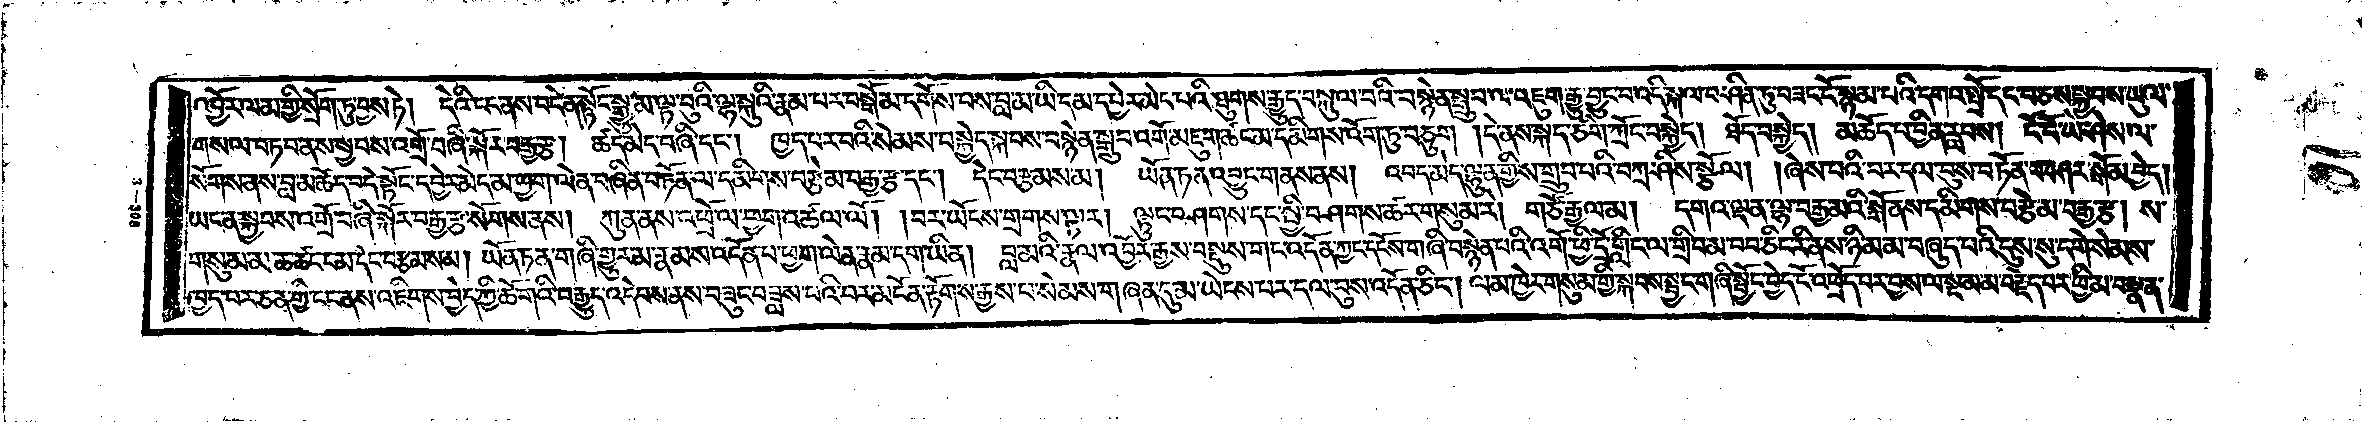འབྱོར་ལམ་གྱི་སྲོག་ཏུ་བྱས་ཏེ། དེའི་ངང་ནས་བདེན་སྟོང་སྒྱུ་མ་ལྟ་བུའི་ལྷ་སྐུའི་རྣམ་པར་བསྒོམ་དགོས་པས་བླ་མ་ཡི་དམ་དབྱེར་མེད་པའི་ཐུགས་རྒྱུད་བསྐུལ་བའི་བསྙེན་སྒྲུབ་ལ་འཇུག་རྒྱུ་བྱུང་བ་འདི་སྐལ་བ་ཤིན་ཏུ་བཟང་ངོ་སྙམ་པའི་དགའ་སྤྲོ་དང་བཅས་སྐྱབས་ཡུལ་
གསལ་བཏབ་ནས་སྐྱབས་འགྲོ་བཞི་སྐོར་བརྒྱ་རྩ། ཚད་མེད་བཞི་དང་། ཁྱད་པར་བའི་སེམས་བསྐྱེད་སྐབས་བསྙེན་སྒྲུབ་འོག་འཇུག་ཚང་མ་དམིགས་འོག་ཏུ་བཅུག །དེ་ནས་སྐད་ཅིག་ཀྲོང་བསྐྱེད། ཐོད་བསྐྱེད། མཆོད་བ་བྱིན་རླབས། ངོ་བོ་ཡེ་ཤེས་ལ་
སོགས་ནས་བླ་མཆོད་བདེ་སྟོང་དབྱེར་མེད་མ་ཕྱག་ལེན་བཞིན་བཏོན་ལ་དམིགས་བརྩེམ་བརྒྱ་རྩ་དང་། དེང་བརྩམས་མ། ཡོན་ཏན་འབྱུང་གནས་ནས། འབད་མེད་ལྷུན་གྱིས་གྲུབ་པའི་བཀྲ་ཤིས་སྩོལ། །ཞེས་པའི་བར་དལ་བུས་བཏོན་ལ་བཤར་སྒོམ་བྱེད།
ཡང་ན་སྐྱབས་འགྲོ་བཞི་སྐོར་བརྒྱ་རྩ་སོགས་ནས། ཀུན་ནས་འཕྲོ་ལ་ཕྱག་འཚལ་ལོ། །བར་ཡོངས་གྲགས་ལྟར། ལྟུང་བཤགས་དང་སྤྱི་བཤགས་ཚར་གསུམ་རེ། གཙོ་རྒྱལ་མ། དགའ་ལྡན་ལྷ་བརྒྱ་མའི་སྒོ་ནས་དམིགས་བརྩེམ་བརྒྱ་རྩ། ས་
གསུམ་མ་ཆ་ཚང་ངམ་དེང་བརྩམས་མ། ཡོན་ཏན་གཞི་གྱུར་མ་རྣམས་འདོན་པ་ཕྱག་ལེན་རྣམ་དག་ཡིན། བླ་མའི་རྣལ་འབྱོར་རྒྱས་བསྡུས་གང་འདོན་ཀྱང་དངོས་གཞི་བསྙེན་པའི་འགོ་ཕྱི་དྲོ་གླིང་ལ་གྲིབ་མ་བབ་ཅིང་རི་ནས་ཉི་མ་མ་བཞུད་པའི་དུས་སུ་དགེ་སེམས་
ཁྱད་པར་ཅན་གྱི་ངང་ནས་འཇིགས་བྱེད་ཀྱི་ཆོ་གའི་བརྒྱུད་འདེབས་ནས་བཟུང་བཟླས་པའི་བར་མངོན་རྟོགས་རྒྱས་པ་སེམས་གཞན་དུ་མ་ཡེངས་པར་དལ་བུས་འདོན་ཅིང་། ལམ་ཁྱེར་གསུམ་གྱི་སྐབས་སྦྱང་གཞི་སྦྱོང་བྱེད་ངོ་འཕྲོད་པར་བྱས་ལ་སྔ་མ་མ་བརྗོད་པར་ཕྱི་མ་བསྣན་